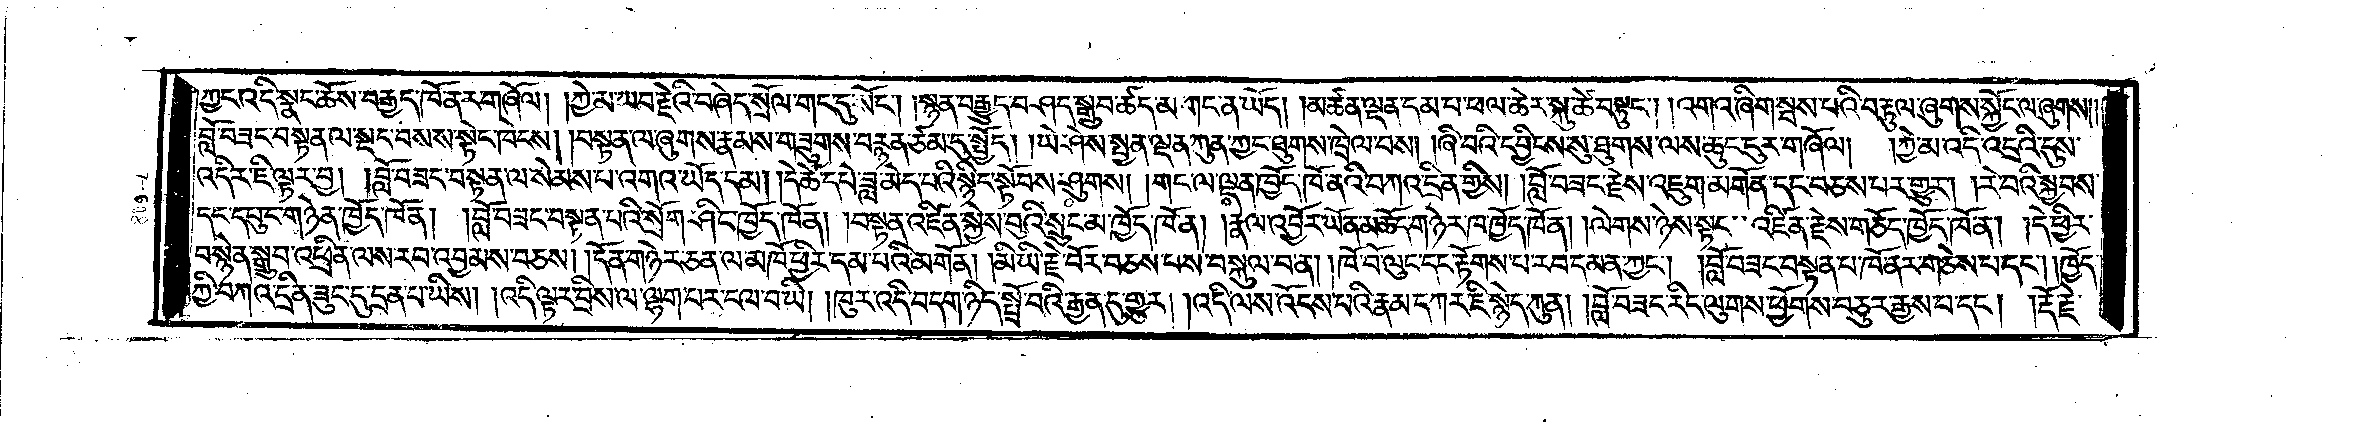ཀྱང་འདི་སྣང་ཆོས་བརྒྱད་ཁོ་ནར་གཞོལ། །ཀྱེ་མ་ཡབ་རྗེའི་བཞེད་སྲོལ་གང་དུ་སོང་། །སྙན་བརྒྱུད་བཤད་སྒྲུབ་ཚད་མ་གང་ན་ཡོད། །མཚན་ལྡན་དམ་པ་ཕལ་ཆེར་སྐུ་ཚེ་བསྟུང་། །འགའ་ཞིག་སྦས་པའི་བརྟུལ་ཞུགས་སྐྱོང་ལ་ཞུགས།།
བློ་བཟང་བསྟན་ལ་སྡང་བས་ས་སྟེང་ཁེངས། །བསྟན་ལ་ཞུགས་རྣམས་གཟུགས་རྙན་ཙམ་དུ་སྤྱོད། །ཡེ་ཤེས་སྤྱན་ལྡན་ཀུན་ཀྱང་ཐུགས་ཁྲེལ་བས། །ཞི་བའི་དབྱིངས་སུ་ཐུགས་ལས་ཆུང་ངུར་གཞོལ། །ཀྱེ་མ་འདི་འདྲའི་དུས་
འདིར་ཇི་ལྟར་བྱ། །བློ་བཟང་བསྟན་ལ་སེམས་པ་འགའ་ཡོད་དམ། །དེ་ཚེ་དཔེ་ཟླ་མེད་པའི་སྙིང་སྟོབས་ཤུགས། །གང་ལ་ལྡན྾་ཁྱོད་ཁོ་ནའི་བཀའ་དྲིན་གྱིས། །བློ་བཟང་རྗེས་འཇུག་མགོན་དང་བཅས་པར་གྱུར། །རེ་བའི་སྐྱབས་
དང་དཔུང་གཉེན་ཁྱོད་ཁོ་ན། །བློ་བཟང་བསྟན་པའི་སྲོག་ཤིང་ཁྱོད་ཁོ་ན། །བསྟན་འཛིན་སྐྱེས་བུའི་སྲུང་མ་ཁྱོད་ཁོ་ན། །རྣལ་འབྱོར་ཡོན་མཆོད་གཉེར་ཁ་ཁྱོད་ཁོ་ན། །ལེགས་ཉེས་སྟང་འཛིན་རྗེས་གཅོད་ཁྱོད་ཁོ་ན། །དེ་ཕྱིར་
བསྙེན་སྒྲུབ་འཕྲིན་ལས་རབ་འབྱམས་བཅས། །དོན་གཉེར་ཅན་ལ་མཁོ་ཕྱིར་དམ་པའི་མགོན། །མི་ཡི་རྗེ་བོར་བཅས་པས་བསྐུལ་བ་ན། །ཁོ་བོ་ལུང་དང་རྟོགས་པ་རབ་དམན་ཀྱང་། །བློ་བཟང་བསྟན་པ་ཁོ་ནར་གཅེས་པ་དང་། །ཁྱོད་
ཀྱི་བཀའ་དྲིན་ཟུང་དུ་དྲན་པ་ཡིས། །འདི་ལྟར་བྲིས་ལ་ལྷག་པར་ངལ་བ་ཡི། །ཁུར་འདི་བདག་ཉིད་སྤྲོ་བའི་རྒྱན་དུ་གྱུར། །འདི་ལས་འོངས་པའི་རྣམ་དཀར་ཇི་སྙེད་ཀུན། །བློ་བཟང་རིང་ལུགས་ཕྱོགས་བཅུར་རྒྱས་པ་དང་། །རྡོ་རྗེ་